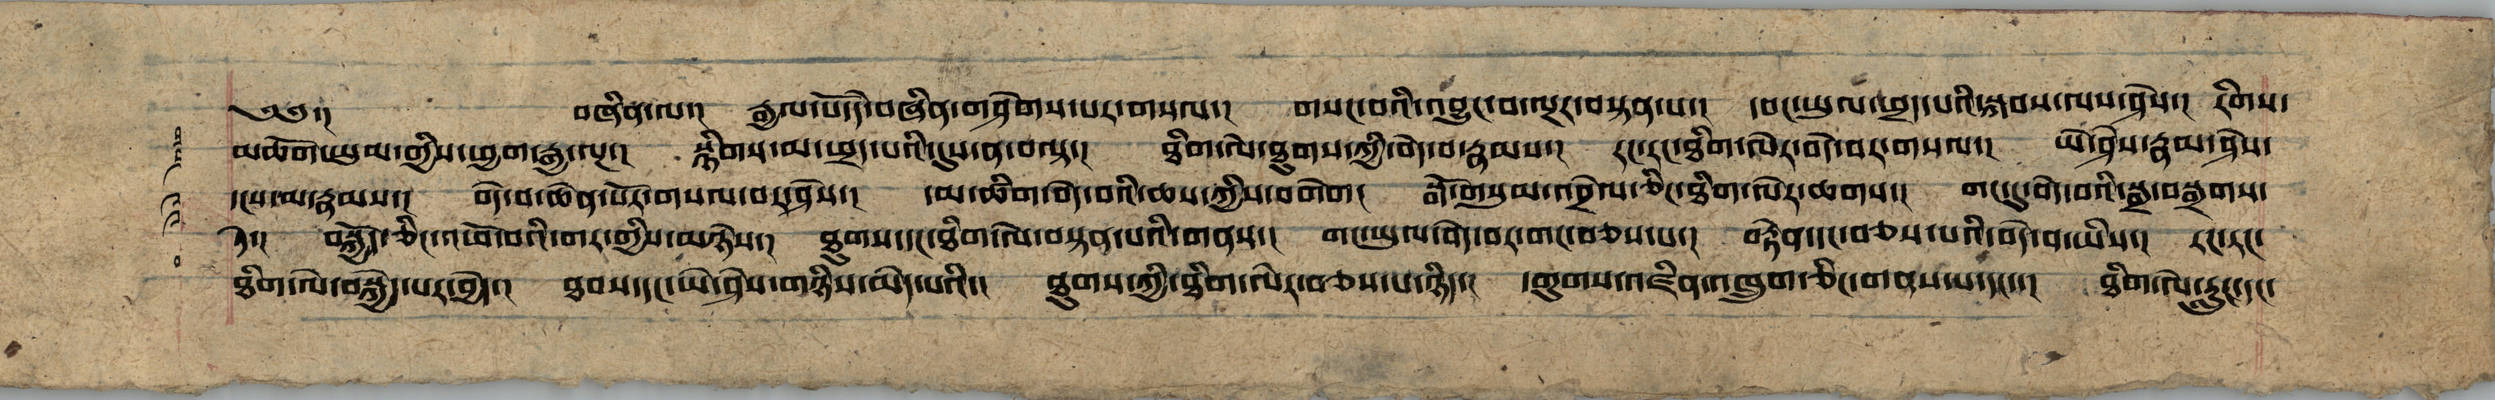༄༅་། བཞིན་ལ་། རྒྱལ་པོ་དེ་བཞིན་གཤེགས་པར་གསལ་། གསང་བའི་འབྱུང་བ་ལྔར་བསྟན་པ་། དབང་ཡུལ་འཕྲད་པའི་སྐབས་ལས་ཤེས་། རིགས་
མཆོག་ཡུལ་གྱིས་ཕྱག་རྒྱ་ལྔ་། སྙིགས་མ་ཕྲད་པའི་དུས་ན་བལྟ་། ཐིག་ལེ་ཐུགས་ཀྱི་བདེ་བ་རྣམས་། རང་རང་ཐིག་ལེར་བདེ་བར་གསལ་། ཡེ་ཤེས་རྣམ་ཤེས་
དངས་མ་རྣམས་། བདེ་བ་ཆེན་པོར་གསལ་བར་ཤེས་། དམ་ཚིག་བདེ་བའི་ཆས་ཀྱིས་བགེག། སྒོ་གསུམ་འབྲེལ་ཅིང་ཐིག་ལེར་ཆགས་། གང་དུ་བདེ་བའི་སྒྲ་བསྒྲགས་
ཏེ་། བསྐྱོད་ཅིང་འཕོ་བའི་གར་གྱིས་མཉེས་། ཐུགས་དང་ཐིག་ལེ་བསྟན་པའི་གནས་། གང་ཡུལ་བདེ་བར་གང་བཅས་པ་། བརྟེན་དང་བཅས་པའི་བདེ་བ་ཡིས་། རང་རང་
ཐིག་ལེ་བསྐྱེད་པར་བྱེད་། ཐབས་དང་ཡེ་ཤེས་གཉིས་མེད་པའི་། ཐུགས་ཀྱི་ཐིག་ལེར་བཅས་པ་ཉིད་། དགུགས་འཛིན་འཁྲུག་ཅིང་གནས་པ་དང་་། ཐིག་ལེ་རླུང་དང་